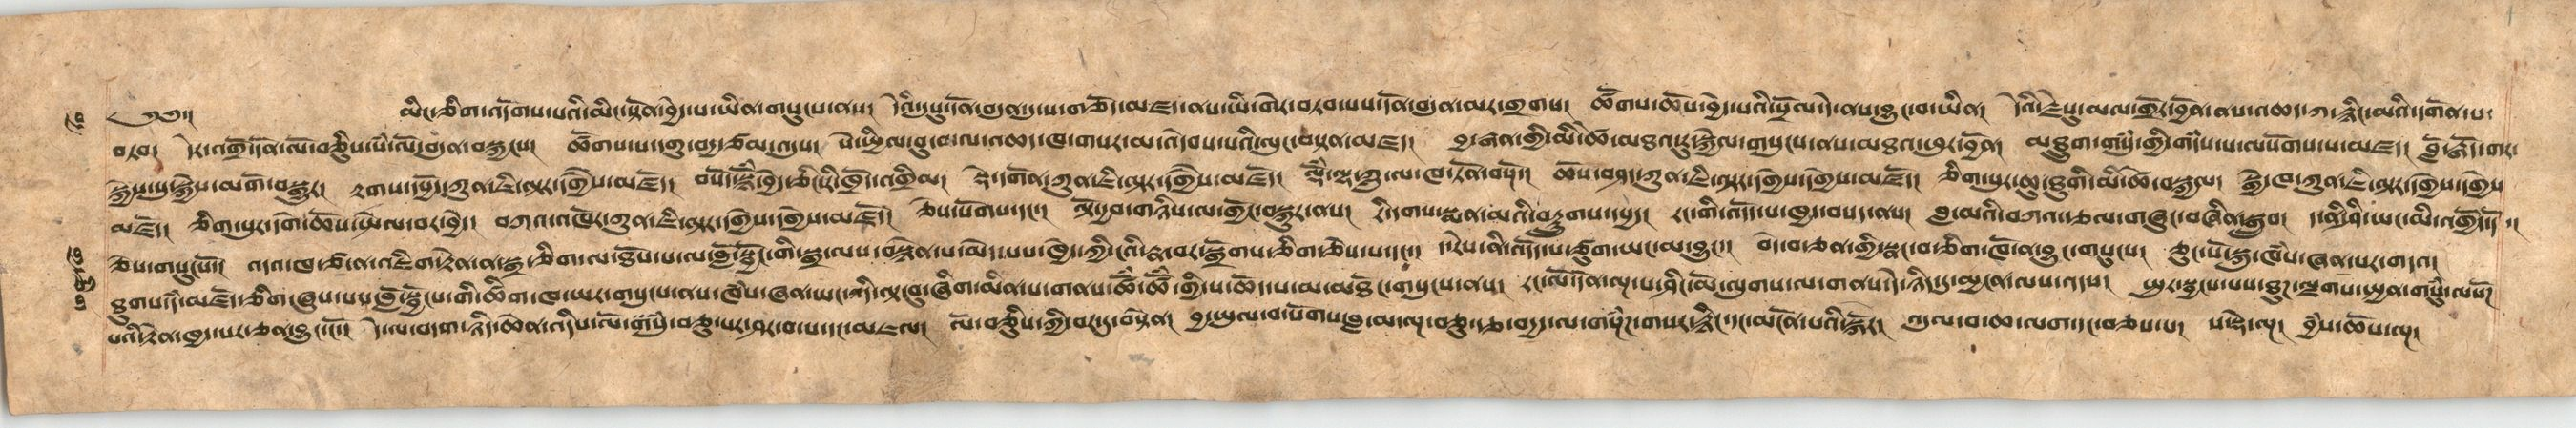༄༅་། མིང་ཅིག་འདོགས་པའི་མིང་སྟོན་བྱེད་པ་ཡིན་གསུངས་ནས། དེའི་དུསུ་དོན་བདུན་དུ་ས་གཅོད་མཛད་ནས་ཡི་གེར་བཏབ་པས་དོན་བདུན་མར་གྲགས། ཚོགས་ཆོས་བྱེད་པའི་སྲོལ་དེ་ནས་བྱུང་བ་ཡིན། དེའི་རྗེས་སུ་མལ་གྲོར་བྱོན་ནས་འཆད་ཀ་རྙིང་མའི་དགོན་པ་
བཏབ། དེར་འགྲོ་དོན་ལོ་བཅིུས་སཾ་ལོ་བདུན་བསྐྱངས། ཚོགས་པ་དགུ་བདྱ་ཙམ་འདུས། སེ་སྤྱིལ་བུ་བ་ལ་འཆད་ཁ་གསར་མ་འདེབས་པའི་ལུང་བསྟན་མཛད། བྱ་རྒན་གྱི་མི་ཚེ་མཐའ་རུ་སྐྱེལ་གསུངས་ནས་མཐའ་ཕུར་བྱོན། མཐྲུག་གསུཾ་གྱི་གདཾས་པ་ལསོགས་པ་མཛད། བློ་རྒོད་གར་
སྐྱེས་སུ་སྐྱེས་མགོ་བསྒྱུར། རྟགས་དཔྱོད་ཀུན་ཇི་ལྟར་དགྱཻས་མཛོད། བསོད་སྙོཾ་བྱེད་ཅིང་རི་ཁྲོད་འགྲིམ། སྡེ་དགོན་ཀུན་ཇི་ལྟར་དགྱཻས་མཛོད། ལྷོཾ་ལྷ་ཀླུ་ལ་ཁ་ཏོན་བསྔོ་། ཆོས་བཤད་ཀུན་ཇི་ལྟར་དགྱེས་དགྱེས་མཛོད། ཅིག་པུར་ཆུ་ཐུགི་མི་ཚེ་བསྐྱལ། སྒྱེ་ཁ་ཀུན་ཇི་ལྟར་དགྱེས་དགྱེས
མཛོད། ཅིག་པུར་དགེ་ཆོས་སྤེལ་བར་བྱེད། བཀའ་འཁོར་ཀུན་ཇི་ལྟར་དགྱེས་དགྱེས་མཛོད། ཅེས་སོགས་དང་། ལྟོ་དྱབ་གཉིས་ལ་གྱོང་བསྐུར་ནས། རི་དགས་སྨན་མའི་བརྟྲུགས་དཔྱད། རང་གི་འདོད་པ་ཁྱད་བསད་ནས། བླ་མའི་བཀའ་རྩལ་གཞུང་བཞིན་སྒྲུབ། ད་ནི་ཤི་ཡང་མི་འགྱོད་དོ་།
ཅེས་གསུངསོ་། འདའ་ཁ་ཙ་ན་འཇིག་རྟེན་ན་སྒྲ་ཅིག་ལ་ཐོས་པ་ལ་བློ་སྦྱོང་གི་སྒྲ་ལས་བསྙེན་པ་མེད་པས་ཁྱེད་ཀྱི་ངའི་རྣ་བར་སྒྲོགས་ཅིག་ཅེས་པ་དང་། ད་རེས་ནི་འདོད་པ་ཙུག་ཡང་མ་བྱུང་། བདེ་བ་ཅན་གྱི་སྣང་བ་ཅིག་ཁོ་ན་བྱུང་གསུངས། ཅུང་པོ་སྐུ་ཁཾས་ཞན་པར་གདའ།
ཐུགས་དཾ་མཛོད་ཅིག་ཞུས་པས་བློ་སྦྱོངས་གི་ཚིག་ཁ་ཡར་གསུངས་ནས་ཁཾས་ཞན་ཡང་འདི་ལྟ་བུ་ཞིག་མིན་པ་གནས་ཚོཾ་ཚོཾ་གྱི་ས་ཆོད་པ་མ་མཐོང་གསུངས་ནས། རང་ལོ་དོན་ལྔ་པ་ཤིང་མོ་ལུགས་ལ་གནས་དེ་ཉིད་དུ་མྱངན་ལས་འདས། སྤུར་སྦྱངས་པས་ཐུཌ་ལྗགས་སྤྱན་གསུཾ་ལསོཌ
པའི་རྟེན་ཁྱད་པར་ཅན་བྱུང་ངོ་། དེ་ལ་བདག་ཉིད་ཆེན་འདིས་ལོ་གསུཾ་བཅུ་པར་ཤར་བ་པ་དང་མཇལ། ལོ་བཅིུས་ཀྱི་བར་དུ་བསྟེན། བྱ་ཡུལ་བ་སོགས་བླ་མ་ལྔ་བཅུ་རྩ་བདྱད་ལ་གསྔཾཌ་གསར་རྙིང་དང་མངོན་པའི་སྐོར། འདུལ་བ་ཆ་ལག་དང་བཅས་པ། ས་སྡེ་ལྔ། བྱཾས་ཆོས་ལྔ།